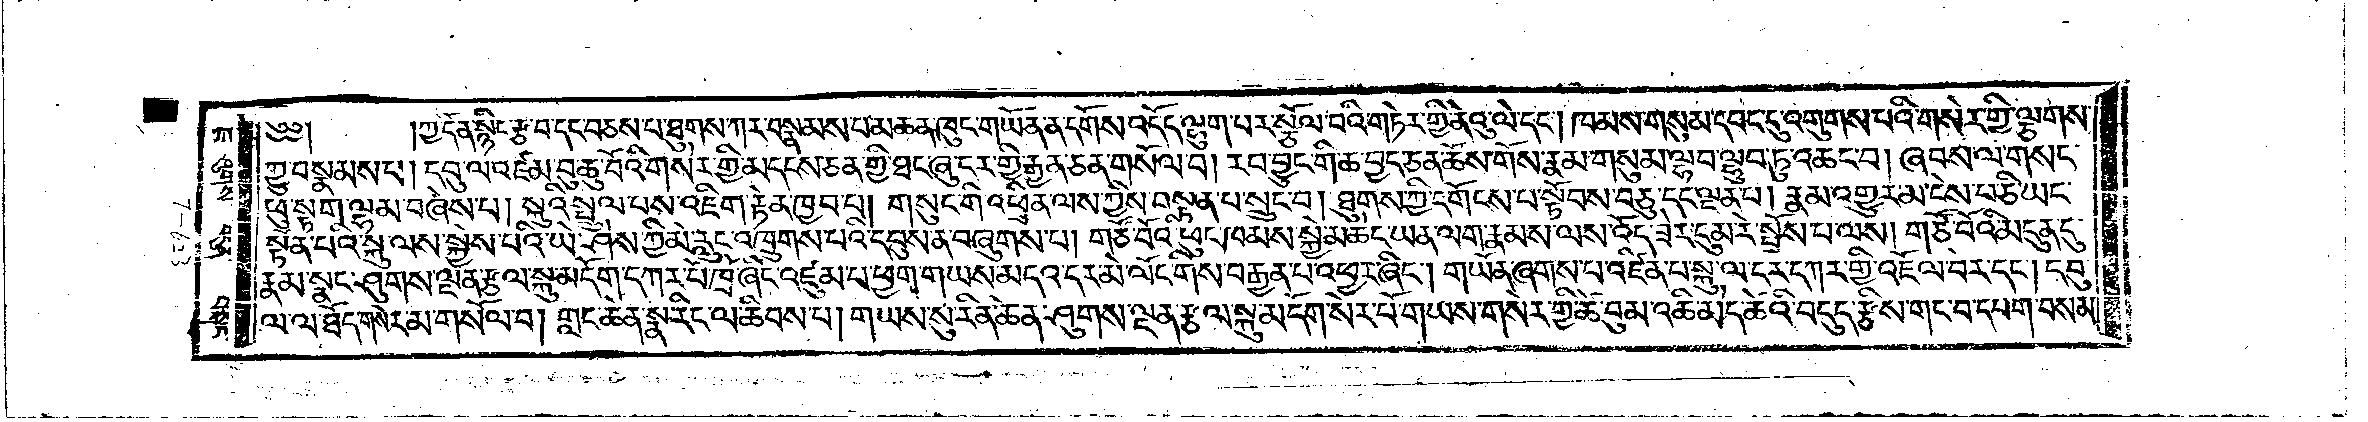༄༅། །ཀྱེ་དོན་སྙིང་རྩ་བ་དང་བཅས་པ་ཐུགས་ཀར་བསྣམས་པ་མཆན་ཁུང་གཡོན་ན་དགོས་འདོད་ལྷུག་པར་སྩོལ་བའི་གཏེར་གྱི་ནེའུ་ལེ་དང་། ཁམས་གསུམ་དབང་དུ་འགུགས་པའི་གསེར་གྱི་ལྕགས་
ཀྱུ་བསྣམས་པ། དབུ་ལ་འཛམ་བུ་ཆུ་བོའི་གསར་གྱི་མདངས་ཅན་གྱི་ཐང་ཞུ་དར་གྱི་རྒྱན་ཅན་གསོལ་བ། རབ་བྱུང་གི་ཆ་བྱད་ཅན་ཆོས་གོས་རྣམ་གསུམ་ལྷབ་ལྷུབ་ཏུ་འཆང་བ། ཞབས་ལ་གསང་
ཕུ་སྟག་ལྷམ་བཞེས་པ། སྐུའི་སྤྲུལ་པས་འཇིག་རྟེན་ཁྱབ་པ། གསུང་གི་འཕྲིན་ལས་ཀྱིས་བསྟན་པ་སྲུང་བ། ཐུགས་ཀྱི་དགོངས་བ་སྟོབས་བཅུ་དང་ལྡན་པ། རྣམ་འགྱུར་མ་ངེས་པ་ཅི་ཡང་
སྟོན་པའི་སྐུ་ལས་སྐྱེས་པའི་ཡེ་ཤེས་ཀྱི་མེ་རླུང་འཁྲུགས་པའི་དབུས་ན་བཞུགས་པ། གཙོ་བོའི་ཕུང་ཁམས་སྐྱེ་མཆེད་ཡན་ལག་རྣམས་ལས་འོད་ཟེར་དུ་མ་རེ་སྤྲོས་པ་ལས། གཙོ་བོའི་མདུན་དུ་
རྣམ་སྣང་ཤུགས་ལྡན་རྩལ་སྐུ་མདོག་དཀར་པོ་ཁྲོ་ཞིང་འཛུམ་པ་ཕྱག་གཡས་མདའ་དར་མེ་ལོང་གིས་བརྒྱན་པ་འཕྱར་ཞིང་། གཡོན་ཞགས་པ་འཛིན་པ་སྐུ་ལ་དར་དཀར་གྱི་འཇོལ་བེར་དང་། དབུ་
ལ་ལ་ཐོད་གསེར་མ་གསོལ་བ། གླང་ཆེན་སྣ་རིང་ལ་ཆིབས་པ། གཡས་སུ་རིན་ཆེན་ཤུགས་ལྡན་རྩལ་སྐུ་མདོག་སེར་པོ་གཡས་གསེར་བྱི་ཆོ་བུམ་འཆི་མེད་ཚེའི་བདུད་རྩིས་གང་བ་དཔག་བསམ་